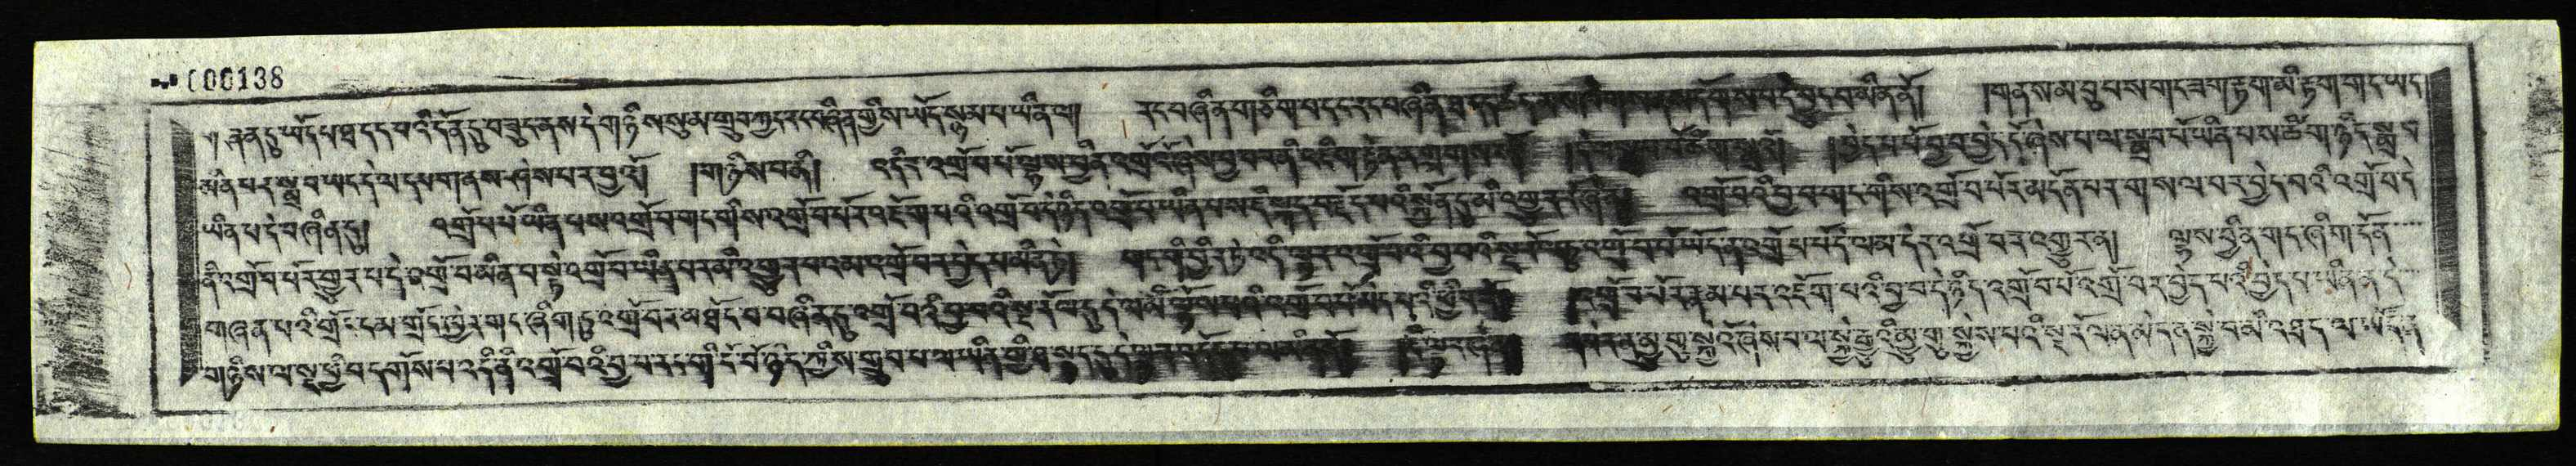གཞན་དུ་ཡོད་པ་ཐ་དད་པའི་དོན་དུ་བཟུང་ནས་དེ་གཉིས་སུ་མ་གྲུབ་ཀྱང་རང་བཞིན་གྱིས་ཡོད་སྙམ་པ་ཡིན་ལ། རང་བཞིན་གཅིག་པ་དང་རང་བཞིན་ཐ་དད་ཚད་མས་ཁེགས་ནས་དོགས་པ་དེ་བྱུང་བ་ཡིན་ནོ། །གནས་མ་བུ་པས་གང་ཟག་རྟག་མི་རྟག་གང་ཡང་
མིན་པར་སྨྲ་བ་ཡང་དེ་ལ་དཔག་ནས་ཤེས་པར་བྱའོ། །གཉིས་པ་ནི། འདིར་འགྲོ་བ་པོ་ལྷས་བྱིན་འགྲོའོ་ཞེས་བྱ་བ་ནི་འཇིག་རྟེན་ན་གྲགས་སོ། །དེ་ལ་པོ་ཚིག་སྨྲའོ། །བྱེད་པ་པོ་བྱ་བ་བྱེད་དོ་ཞེས་པ་ལ་སྨྲ་བ་པོ་ཡིན་པས་ཚིག་ཉིད་སྨྲ་བ་
ཡིན་པ་དེ་བཞིན་དུ། འགྲོ་བ་པོ་ཡིན་པས་འགྲོ་བ་གང་གིས་འགྲོ་བ་པོར་འཇོག་པའི་འགྲོ་བ་དེ་ཉིད་འགྲོ་བ་ཡིན་པས་ཇི་སྐད་བརྗོད་པའི་སྐྱོན་དུ་མི་འགྱུར་རོ་ཞེ་ན། འགྲོ་བའི་བྱ་བ་གང་གིས་འགྲོ་བ་པོར་མངོན་པར་གསལ་བར་བྱེད་པའི་འགྲོ་བ་དེ་
ནི་འགྲོ་བ་པོར་གྱུར་པ་དེ་འགྲོ་བ་མིན་པ་སྟེ་འགྲོ་བ་ཡིན་པར་མི་འགྱུར་བའམ་འགྲོ་བར་བྱེད་པ་མིན་ཏེ། གང་གི་ཕྱིར་ཏེ་འདི་ལྟར་འགྲོ་བའི་བྱ་བའི་སྔ་རོལ་ཏུ་འགྲོ་བ་པོ་ཡོད་ན་འགྲོ་བ་པོ་དེ་ལམ་དེར་འགྲོ་བར་འགྱུར་ན། ལྷས་བྱིན་གང་ཞིག་དོན་
གཞན་པའི་གྲོང་ངམ་གྲོང་ཁྱེར་གང་ཞིག་ཏུ་འགྲོ་བར་མཐོང་བ་བཞིན་དུ་འགྲོ་བའི་བྱ་བའི་སྔ་རོལ་དུ་དེ་ལ་མི་ལྟོས་པའི་འགྲོ་བ་པོ་མེད་པའི་ཕྱིར་རོ། །འགྲོ་བ་པོར་རྣམ་པར་འཇོག་པའི་བྱ་བ་དེ་ཉིད་འགྲོ་བ་པོ་འགྲོ་བར་བྱེད་པའི་བྱེད་པ་ཡིན་ན་དེ་
གཉིས་ལ་སྔ་ཕྱི་བ་དགོས་པ་འདི་ནི་འགྲོ་བའི་བྱ་བ་རང་གི་ངོ་བོ་ཉིད་ཀྱིས་གྲུབ་པ་ལ་ཡིན་གྱི་ཐ་སྙད་དུ་དེ་ལྟར་འདོད་པ་ལ་མིན་ནོ། །ཇི་ལྟར་ཞེ་ན། དཔེར་ན་མྱུ་གུ་སྐྱེའོ་ཞེས་པ་ལ་སྐྱེ་རྒྱུའི་མྱུ་གུ་སྐྱེས་པའི་སྔ་རོལ་ན་མེད་ན་སྐྱེ་བ་མི་འཐད་ལ་ཡོད་ན་